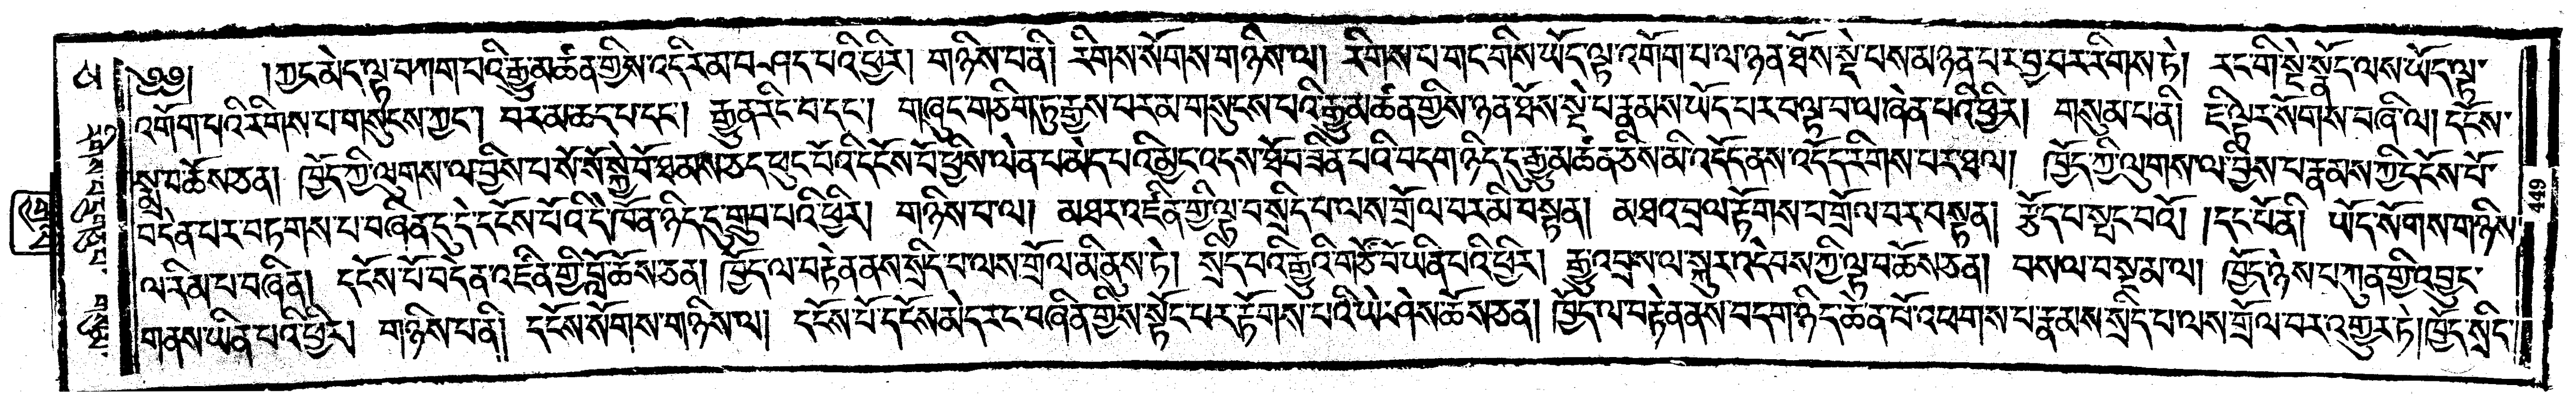༄༅། །ཀྱང་མེད་ལྟ་བཀག་པའི་རྒྱུ་མཚན་གྱིས་འདིར་མ་བཤད་པའི་ཕྱིར། གཉིས་པ་ནི། རིགས་སོགས་གཉིས་ལ། རིགས་པ་གང་གིས་ཡོད་ལྟ་འགོག་པ་ལ་ཉན་ཐོས་སྡེ་པས་མཉན་པར་བྱ་བར་རིགས་ཏེ། རང་གི་སྡེ་སྣོད་ལས་ཡོད་ལྟ་
འགོག་པའི་རིགས་པ་གསུངས་ཀྱང་། བར་མ་ཆད་པ་དང་། རྒྱུན་རིང་བ་དང་། གཞུང་གཅིག་ཏུ་རྒྱས་པར་མ་གསུངས་པའི་རྒྱུ་མཚན་གྱིས་ཉན་ཐོས་སྡེ་པ་རྣམས་ཡོད་པར་བལྟ་བ་ལ་ཞེན་པའི་ཕྱིར། གསུམ་པ་ནི། ཇི་ལྟར་སོགས་བཞི་ལ། དངོས་
སྨྲ་བ་ཆོས་ཅན། ཁྱོད་ཀྱི་ལུགས་ལ་བྱིས་པ་སོ་སོ་སྐྱེ་བོ་ཐམས་ཅད་ཕུང་པོའི་དངོས་པོ་ཕྱིས་ལེན་པ་མེད་པའི་མྱང་འདས་ཐོབ་ཟིན་པའི་བདག་ཉིད་དུ་རྒྱུ་མཚན་ཅིས་མི་འདོད་ནས་འདོད་རིགས་པར་ཐལ། ཁྱོད་ཀྱི་ལུགས་ལ་བྱིས་པ་རྣམས་ཀྱི་དངོས་པོ་
བདེན་པར་བཏགས་པ་བཞིན་དུ་དེ་དངོས་པོའི་དེ་ཁོ་ན་ཉིད་དུ་གྲུབ་པའི་ཕྱིར། གཉིས་པ་ལ། མཐར་འཛིན་གྱི་ལྟ་བ་སྲིད་པ་ལས་གྲོལ་བར་མི་བསྟན། མཐའ་བྲལ་རྟོགས་པ་གྲོལ་བར་བསྟན། རྩོད་པ་སྤང་བའོ། །དང་པོ་ནི། ཡོད་སོགས་གཉིས་
ལ་རིམ་པ་བཞིན། དངོས་པོ་བདེན་འཛིན་གྱི་བློ་ཆོས་ཅན། ཁྱོད་ལ་བརྟེན་ནས་སྲིད་པ་ལས་གྲོལ་མི་ནུས་ཏེ། སྲིད་པའི་རྒྱུའི་གཙོ་བོ་ཡིན་པའི་ཕྱིར། རྒྱུ་འབྲས་ལ་སྐུར་འདེབས་ཀྱི་ལྟ་བ་ཆོས་ཅན། བསལ་བ་སྔ་མ་ལ། ཁྱོད་ཉེས་པ་ཀུན་གྱི་འབྱུང་
གནས་ཡིན་པའི་ཕྱིར། གཉིས་པ་ནི། དངོས་སོགས་གཉིས་ལ། དངོས་པོ་དངོས་མེད་རང་བཞིན་གྱིས་སྟོང་པར་རྟོགས་པའི་ཡེ་ཤེས་ཆོས་ཅན། ཁྱོད་ལ་བརྟེན་ནས་བདག་ཉིད་ཆེན་པོ་འཕགས་པ་རྣམས་སྲིད་པ་ལས་གྲོལ་བར་འགྱུར་ཏེ། ཁྱོད་སྲིད་